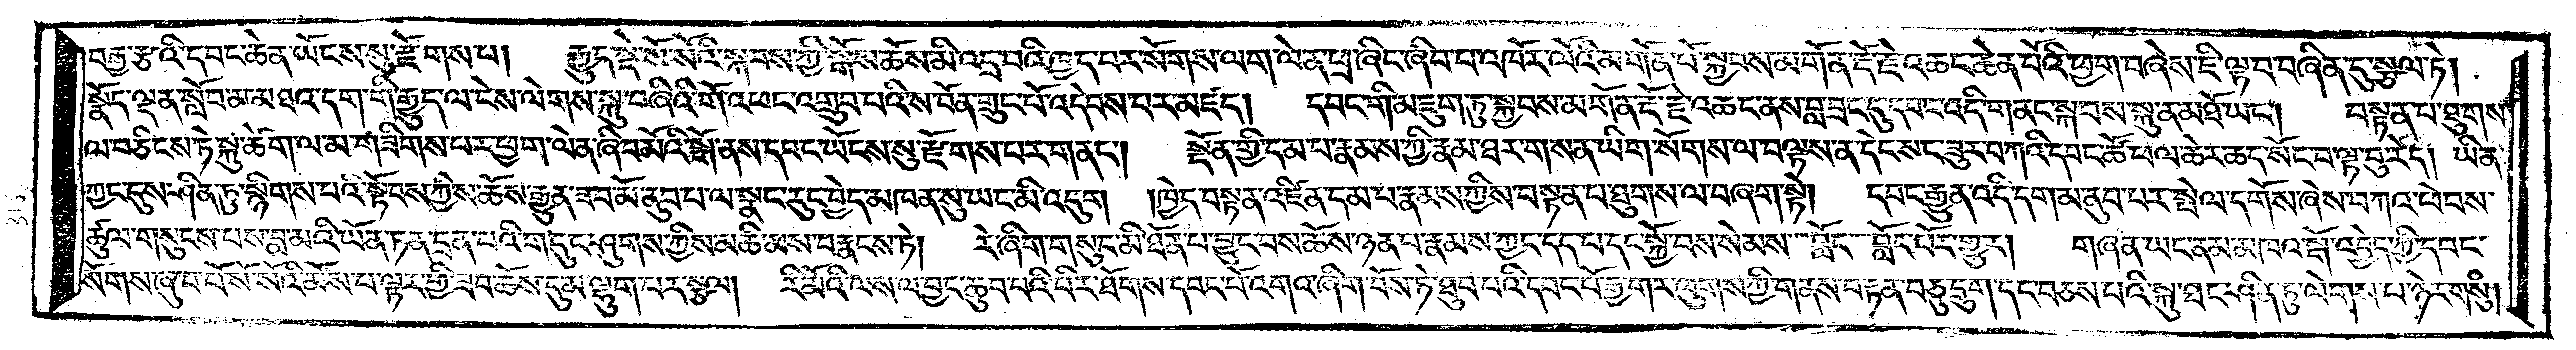བརྒྱ་རྩའི་དབང་ཆེན་ཡོངས་སུ་རྫོགས་པ། རྒྱུད་སྡེ་སོ་སོའི་སྐབས་ཀྱི་སོགས་ཆོས་མི་འདྲ་བའི་ཁྱད་པར་སོགས་ལག་ལེན་ཕྲ་ཞིང་ཞིབ་པ་འཁོར་ལོའི་མགོན་པོ་སྐྱབས་མགོན་རྡོ་རྗེ་འཆང་ཆེན་པོའི་ཕྱག་བཞེས་ཇི་ལྟ་བ་བཞིན་དུ་སྩལ་ཏེ།
སྣོད་ལྡན་སློབ་མ་མཐའ་དག་གི་རྒྱུད་ལ་ངེས་ལེགས་སྐུ་བཞིའི་གོ་འཕང་འགྲུབ་པའི་ས་བོན་གྲུང་པོ་འདེབས་པར་མཛད། དབང་གི་མཇུག་ཏུ་སྐྱབས་མགོན་རྡོ་རྗེ་འཆང་ནས་བླ་བྲང་དུ་དབང་འདི་གནང་སྐབས་སྐུ་ན་མཐོ་ཡང་། བསྟན་པ་ཐུགས་
ལ་བཅིངས་ཏེ་སྐུ་ཚེག་ལ་མ་གཟིགས་པར་ཕྱག་ལེན་ཞིབ་མོའི་སྒོ་ནས་དབང་ཡོངས་སུ་རྫོགས་པར་གནང་། སྔོན་གྱི་དམ་པ་རྣམས་ཀྱི་རྣམ་ཐར་གསན་ཡིག་སོགས་ལ་བལྟས་ན་དེང་སང་ཟུར་བཀའི་དབང་ཚོ་ཕལ་ཆེར་ཆད་སོང་བ་ལྟ་བུ་རེད། ཡིན་
ཀྱང་དུས་ཤིན་ཏུ་སྙིགས་པའི་སྟོབས་ཀྱིས་ཆོས་རྒྱུན་ཟབ་མོ་ནུབ་བ་ལ་སྣང་རུང་བྱེད་མཁན་སུ་ཡང་མི་འདུག །ཁྱེད་བསྟན་འཛིན་དམ་པ་རྣམས་ཀྱིས་བསྟན་པ་ཐུགས་ལ་བཞག་སྟེ། དབང་རྒྱུན་འདི་དག་མ་ནུབ་པར་སྤེལ་དགོས་ཞེས་བཀའ་ཕེབས་
ཚུལ་གསུངས་པས་བླ་མའི་ཡོན་ཏན་དྲན་པའི་གདུང་ཤུགས་ཀྱིས་མཆི་མས་བརྣངས་ཏེ། རེ་ཞིག་གསུང་མི་ཐོན་པ་བྱུང་བས་ཆོས་ཉན་པ་རྣམས་ཀྱང་དད་པ་དང་སྐྱོ་བས་སེམས་བློང་བློང་པོར་གྱུར། གཞན་ཡང་ནམ་མཁའ་སྒོ་འབྱེད་ཀྱི་དབང་
སོགས་ཞུ་བ་པོ་སོ་སོའི་མོས་བ་ལྟར་གྱི་ཟབ་ཆོས་དུམ་ལྷུག་པར་སྩལ། རི་མོའི་ལས་ལ་བྱང་ཆུབ་པའི་པིར་ཐོགས་དབང་པོ་འགའ་ཞིག་བོས་ཏེ་ཐུབ་པའི་དབང་པོ་རྒྱ་གར་ལུགས་ཀྱི་གནས་བརྟན་བཅུ་དྲུག་དང་བཅས་པའི་སྐུ་ཐང་ཤིན་ཏུ་ལེགས་པ་ཉེར་གསུམ།